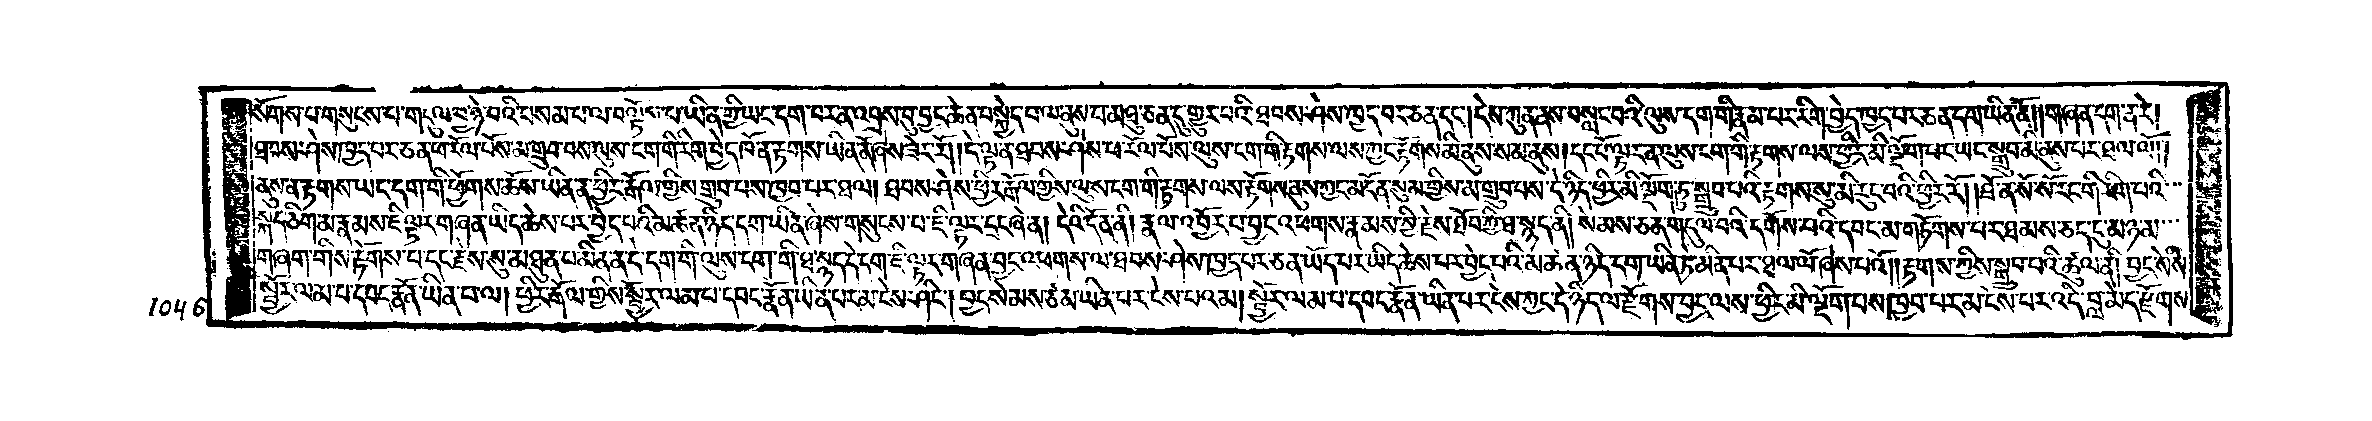སོགས་པ་གསུངས་པ་གདུལ་བྱ་ཉེ་བའི་བསམ་པ་ལ་བལྟོས་པ་ཡིན་གྱི་ཡང་དག་པར་ན་འབྲས་བུ་བྱང་ཆེན་བསྐྱེད་པ་ལ་ནུས་པ་མཐུ་ཅན་དུ་གྱུར་བའི་ཐབས་ཤེས་ཁྱད་པར་ཅན་དང་། དེས་ཀུན་ནས་བསླང་བའི་ལུས་དག་གི་རྣམ་པར་རིག་བྱེད་ཁྱད་པར་ཅན་དག་ཡིན་ནོ། །གཞན་དག་ན་རེ།
ཐབས་ཤེས་ཁྱད་པར་ཅན་ཕ་རོལ་པོས་མ་གྲུབ་བས་ལུས་ངག་གི་རིག་བྱེད་ཁོ་ན་རྟགས་ཡིན་ནོ་ཞེས་ཟེར་རོ། །དེ་ལྟ་ན་ཐབས་ཤེས་ཕ་རོལ་པོས་ལུས་ངག་གི་རྟགས་ལས་ཀྱང་རྟོགས་མི་ནུས་སམ་ནུས། དང་པོ་ལྟར་ན་ལུས་ངག་གི་རྟགས་ལས་ཕྱིར་མི་ལྡོག་པར་ཡང་སྒྲུབ་མི་ནུས་པར་ཐལ་ལོ།།
ནུས་ན་རྟགས་ཡང་དག་གི་ཕྱོགས་ཆོས་ཡིན་ན་ཕྱིར་རྒོལ་གྱིས་གྲུབ་པས་ཁྱབ་པར་ཐལ། ཐབས་ཤེས་ཕྱིར་རྒོལ་གྱིས་ལུས་ངག་གི་རྟགས་ལས་རྟོགས་ནུས་ཀྱང་མངོན་སུམ་གྱིས་མ་གྲུབ་པས་དེ་ཉིད་ཕྱིར་མི་ལྡོག་ཏུ་སྒྲུབ་པའི་རྟགས་སུ་མི་རུང་བའི་ཕྱིར་རོ། །ཐོ་ན་སོ་སོ་རང་གི་རིག་པའི་
སྐད་ཅིག་མ་རྣམས་ཇི་ལྟར་གཞན་ཡིད་ཆེས་པར་བྱེད་པའི་མཚན་ཉིད་དག་ཡིན་ཞེས་གསུངས་པ་ཇི་ལྟར་དྲང་ཞེ་ན། དེའི་དོན་ནི། རྣལ་འབྱོར་པ་བྱང་འཕགས་རྣམས་ཀྱི་རྗེས་ཐོབ་ཀྱི་ཐ་སྙད་ནི། སེམས་ཅན་གདུལ་བའི་དགོས་པའི་དབང་མ་གཏོགས་པར་ཐམས་ཅད་དུ་མཉམ་
གཞག་གིས་རྟོགས་པ་དང་རྗེས་སུ་མཐུན་པ་མིན་ན་དེ་དག་གི་ལུས་ངག་གི་ཐ་སྙད་དེ་དག་ཇི་ལྟར་གཞན་བྱང་འཕགས་ལ་ཐབས་ཤེས་ཁྱད་པར་ཅན་ཡོད་པར་ཡིད་ཆེས་པར་བྱེད་པའི་མཚན་ཉིད་དག་ཡིན་ཏེ་མིན་པར་ཐལ་ལོ་ཞེས་པའོ། །རྟགས་ཀྱིས་སྒྲུབ་པའི་ཚུལ་ནི། བྱང་སེམས་
སྦྱོར་ལམ་པ་དབང་རྣོན་ཡིན་པ་ལ། ཕྱིར་རྒོལ་གྱིས་སྦྱོར་ལམ་པ་དབང་རྣོན་ཡིན་པར་མ་ངེས་ཤིང་། བྱང་སེམས་ཙམ་ཡིན་པར་ངེས་པའམ། སྦྱོར་ལམ་པ་དབང་རྣོན་ཡིན་པར་ངེས་ཀྱང་དེ་ཉིད་ལ་རྫོགས་བྱང་ལས་ཕྱིར་མི་ལྡོག་པས་ཁྱབ་པར་མ་ངེས་པར་འདི་བླ་མེད་རྫོགས་